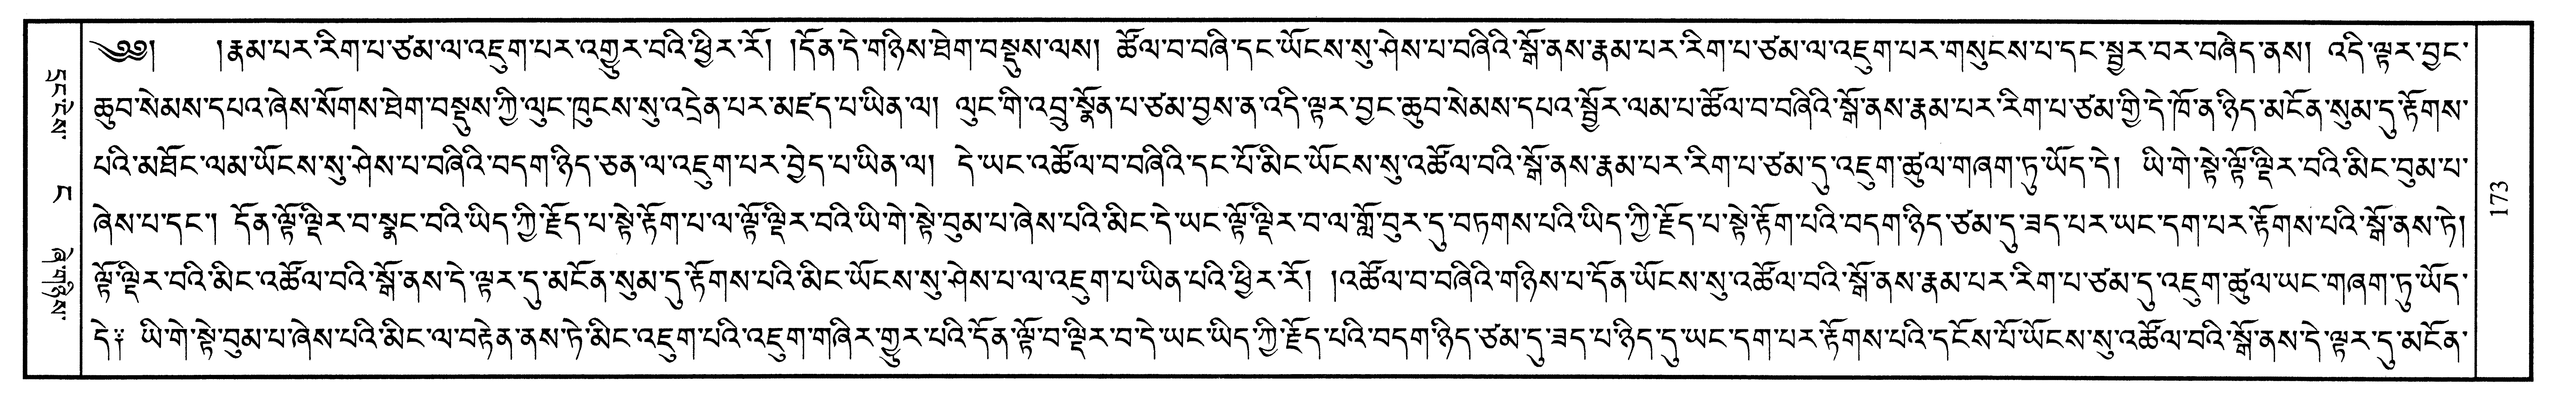༄༅། །རྣམ་པར་རིག་པ་ཙམ་ལ་འཇུག་པར་འགྱུར་བའི་ཕྱིར་རོ། །དོན་དེ་གཉིས་ཐེག་བསྡུས་ལས། ཚོལ་བ་བཞི་དང་ཡོངས་སུ་ཤེས་པ་བཞིའི་སྒོ་ནས་རྣམ་པར་རིག་པ་ཙམ་ལ་འཇུག་པར་གསུངས་པ་དང་སྦྱར་བར་བཞེད་ནས། འདི་ལྟར་བྱང་
ཆུབ་སེམས་དཔའ་ཞེས་སོགས་ཐེག་བསྡུས་ཀྱི་ལུང་ཁུངས་སུ་འདྲེན་པར་མཛད་པ་ཡིན་ལ། ལུང་གི་འབྲུ་སྣོན་པ་ཙམ་བྱས་ན་འདི་ལྟར་བྱང་ཆུབ་སེམས་དཔའ་སྦྱོར་ལམ་པ་ཚོལ་བ་བཞིའི་སྒོ་ནས་རྣམ་པར་རིག་པ་ཙམ་གྱི་དེ་ཁོ་ན་ཉིད་མངོན་སུམ་དུ་རྟོགས་
པའི་མཐོང་ལམ་ཡོངས་སུ་ཤེས་པ་བཞིའི་བདག་ཉིད་ཅན་ལ་འཇུག་པར་བྱེད་པ་ཡིན་ལ། དེ་ཡང་འཚོལ་བ་བཞིའི་དང་པོ་མིང་ཡོངས་སུ་འཚོལ་བའི་སྒོ་ནས་རྣམ་པར་རིག་པ་ཙམ་དུ་འཇུག་ཚུལ་གཞག་ཏུ་ཡོད་དེ། ཡི་གེ་སྟེ་ལྟོ་ལྡིར་བའི་མིང་བུམ་པ་
ཞེས་པ་དང་། དོན་ལྟོ་ལྡིར་བ་སྣང་བའི་ཡིད་ཀྱི་རྗོད་པ་སྟེ་རྟོག་པ་ལ་ལྟོ་ལྡིར་བའི་ཡི་གེ་སྟེ་བུམ་པ་ཞེས་པའི་མིང་དེ་ཡང་ལྟོ་ལྡིར་བ་ལ་གློ་བུར་དུ་བཏགས་པའི་ཡིད་ཀྱི་རྗོད་པ་སྟེ་རྟོག་པའི་བདག་ཉིད་ཙམ་དུ་ཟད་པར་ཡང་དག་པར་རྟོགས་པའི་སྒོ་ནས་ཏེ།
ལྟོ་ལྡིར་བའི་མིང་འཚོལ་བའི་སྒོ་ནས་དེ་ལྟར་དུ་མངོན་སུམ་དུ་རྟོགས་པའི་མིང་ཡོངས་སུ་ཤེས་པ་ལ་འཇུག་པ་ཡིན་པའི་ཕྱིར་རོ། །འཚོལ་བ་བཞིའི་གཉིས་པ་དོན་ཡོངས་སུ་འཚོལ་བའི་སྒོ་ནས་རྣམ་པར་རིག་པ་ཙམ་དུ་འཇུག་ཚུལ་ཡང་གཞག་ཏུ་ཡོད་
དེ༑ ཡི་གེ་སྟེ་བུམ་པ་ཞེས་པའི་མིང་ལ་བརྟེན་ནས་ཏེ་མིང་འཇུག་པའི་འཇུག་གཞིར་གྱུར་པའི་དོན་ལྟོ་བ་ལྡིར་བ་དེ་ཡང་ཡིད་ཀྱི་རྗོད་པའི་བདག་ཉིད་ཙམ་དུ་ཟད་པ་ཉིད་དུ་ཡང་དག་པར་རྟོགས་པའི་དངོས་པོ་ཡོངས་སུ་འཚོལ་བའི་སྒོ་ནས་དེ་ལྟར་དུ་མངོན་